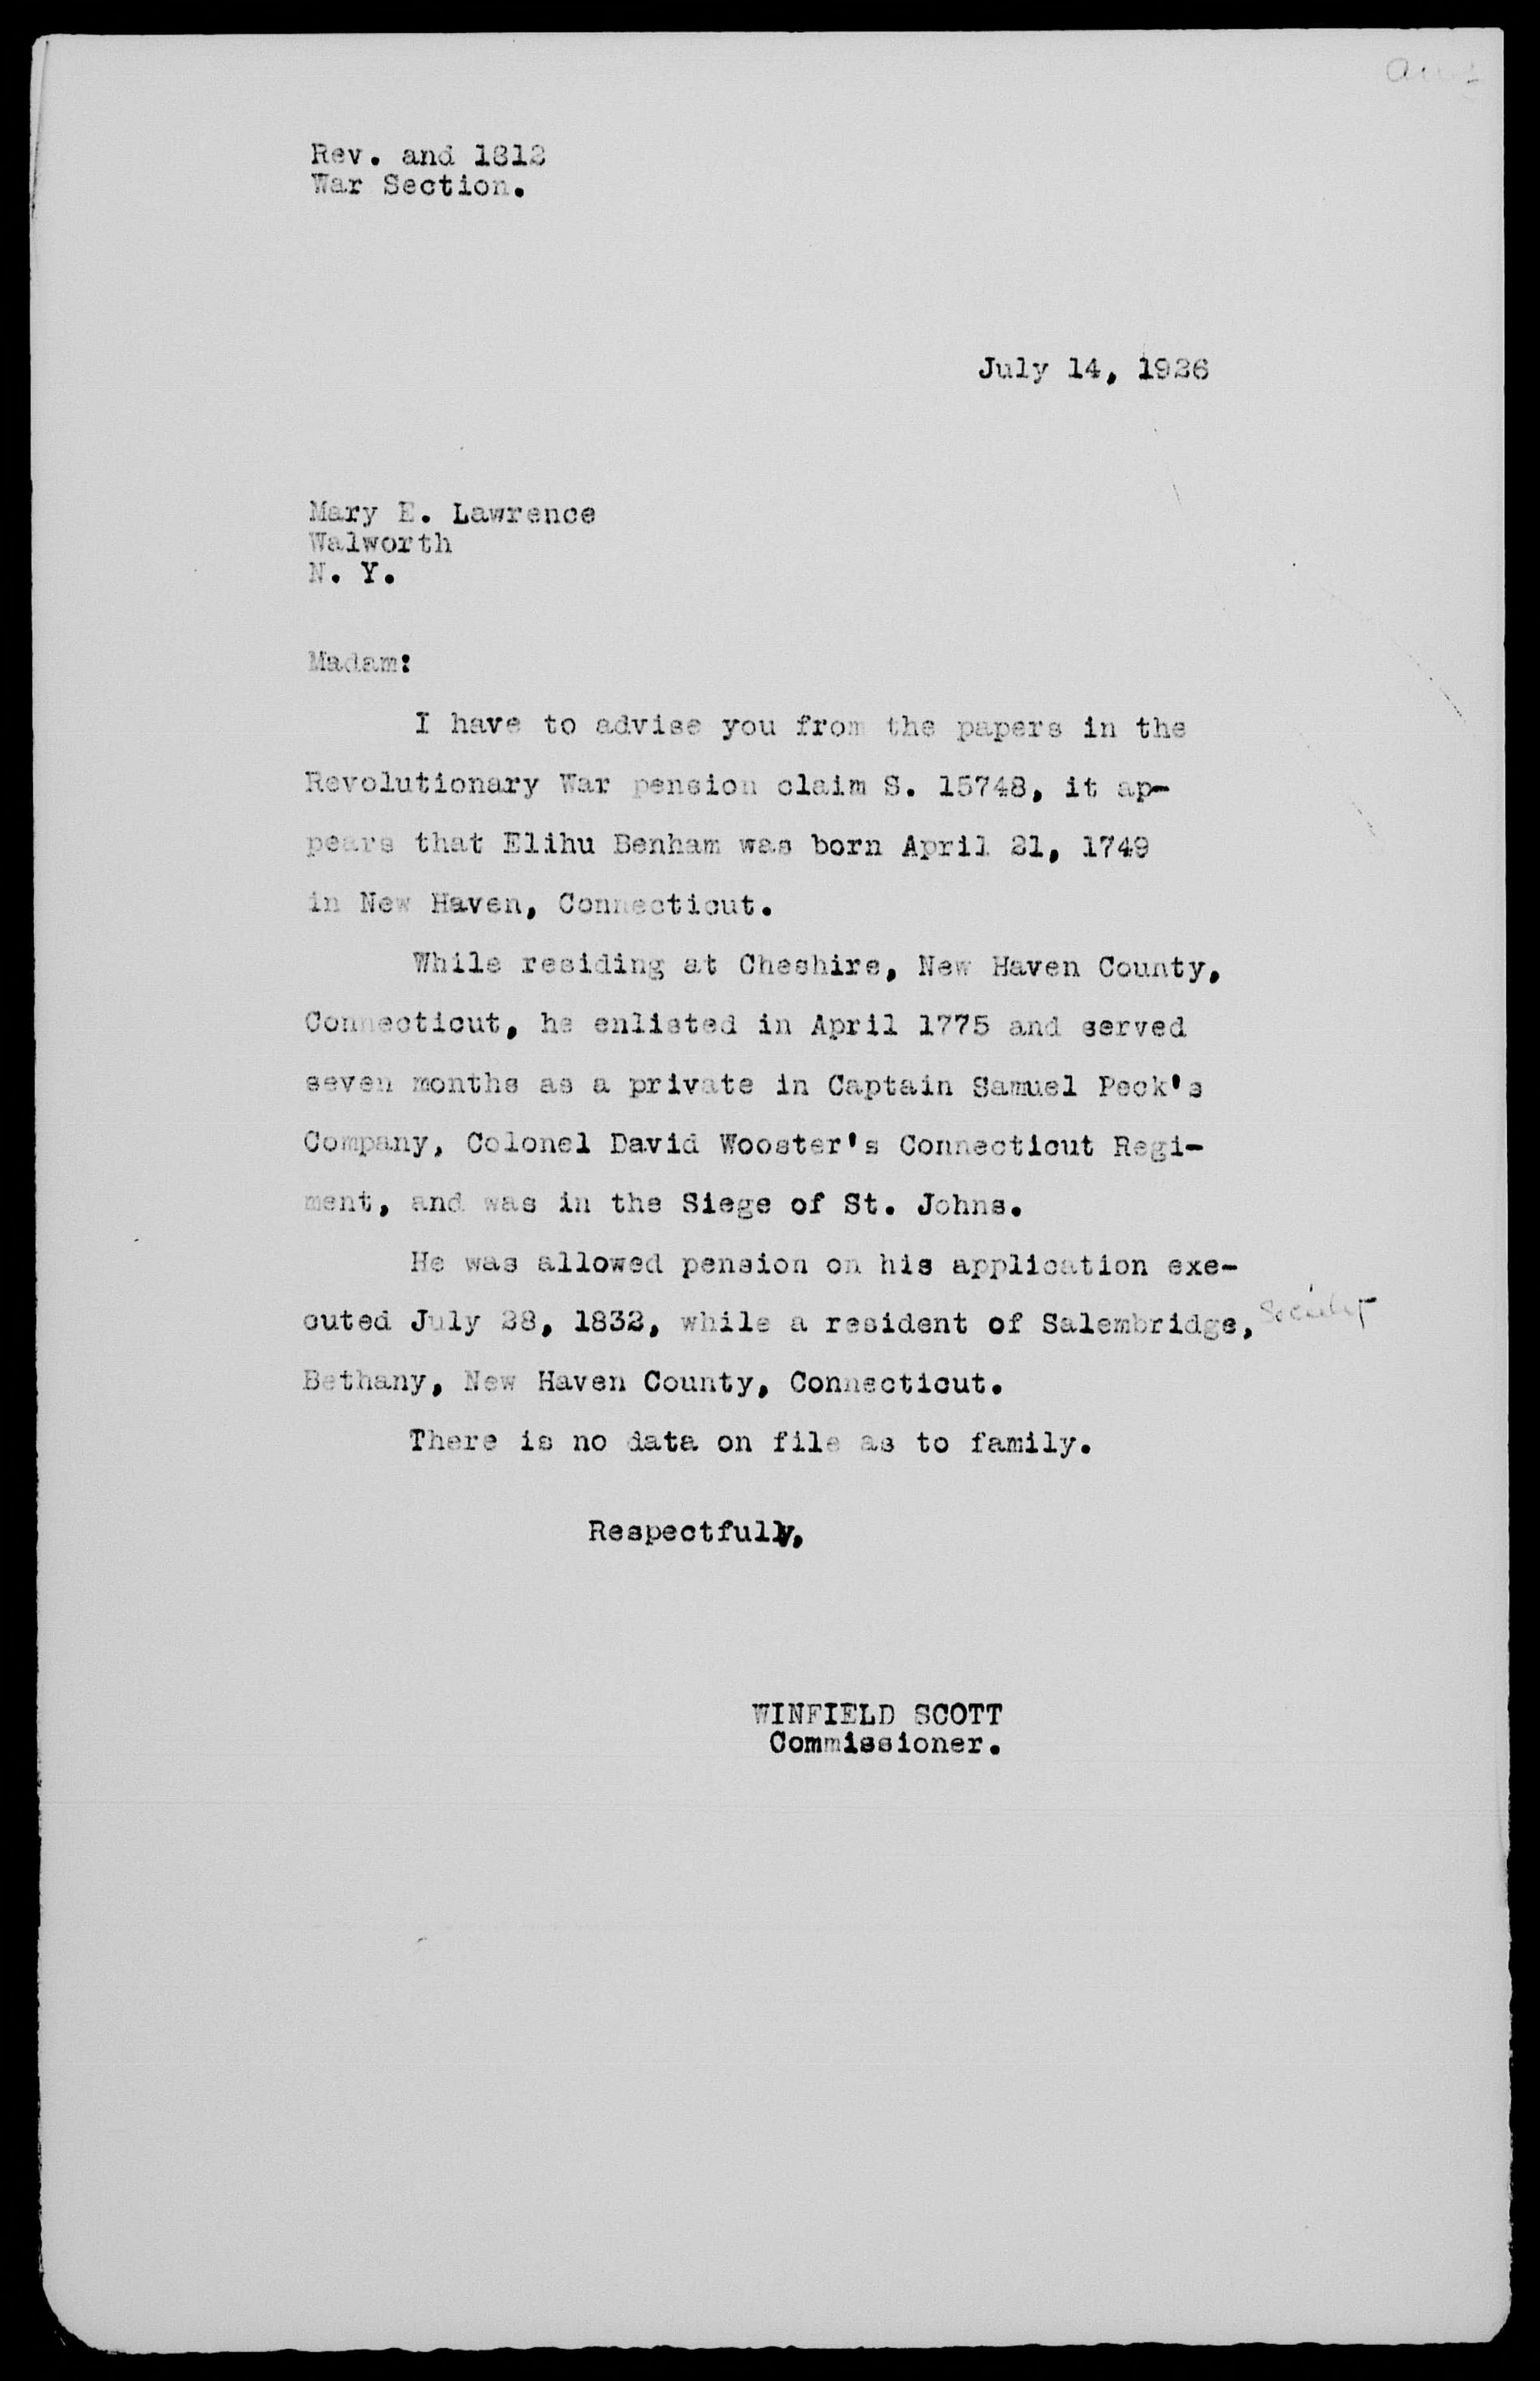aws
Rev. and 1812
 War Section. 
July 14, 1926
Mary E. Lawrence
Walworth
 N. Y. 
Madam:
 I have to advise you from the papers in the Revolutionary War pension claim S. 15748, it appears that Elihu Benham was born April 21, 1749 in New Haven, Connecticut.
While residing at Cheshire, New Haven County, Connecticut, he enlisted in April 1775 and served seven months as a private in Captain Samuel Peck's Company, Colonel David Wooster's Connecticut Regiment , and was in the Siege of St. Johns. 
He was allowed pension on his application executed July 28, 1832, while a resident of Salembridge, So city Bethany, New Haven County, Connecticut. 
There is no data on file as to family. 
Respectfully,
WINFIELD SCOTT 
Commissioner.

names: Winfield Scott, Elihu Benham, Mary E Lawrence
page: 45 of 45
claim: survivor's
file: S. 15748, Elihu Benham, Conn.